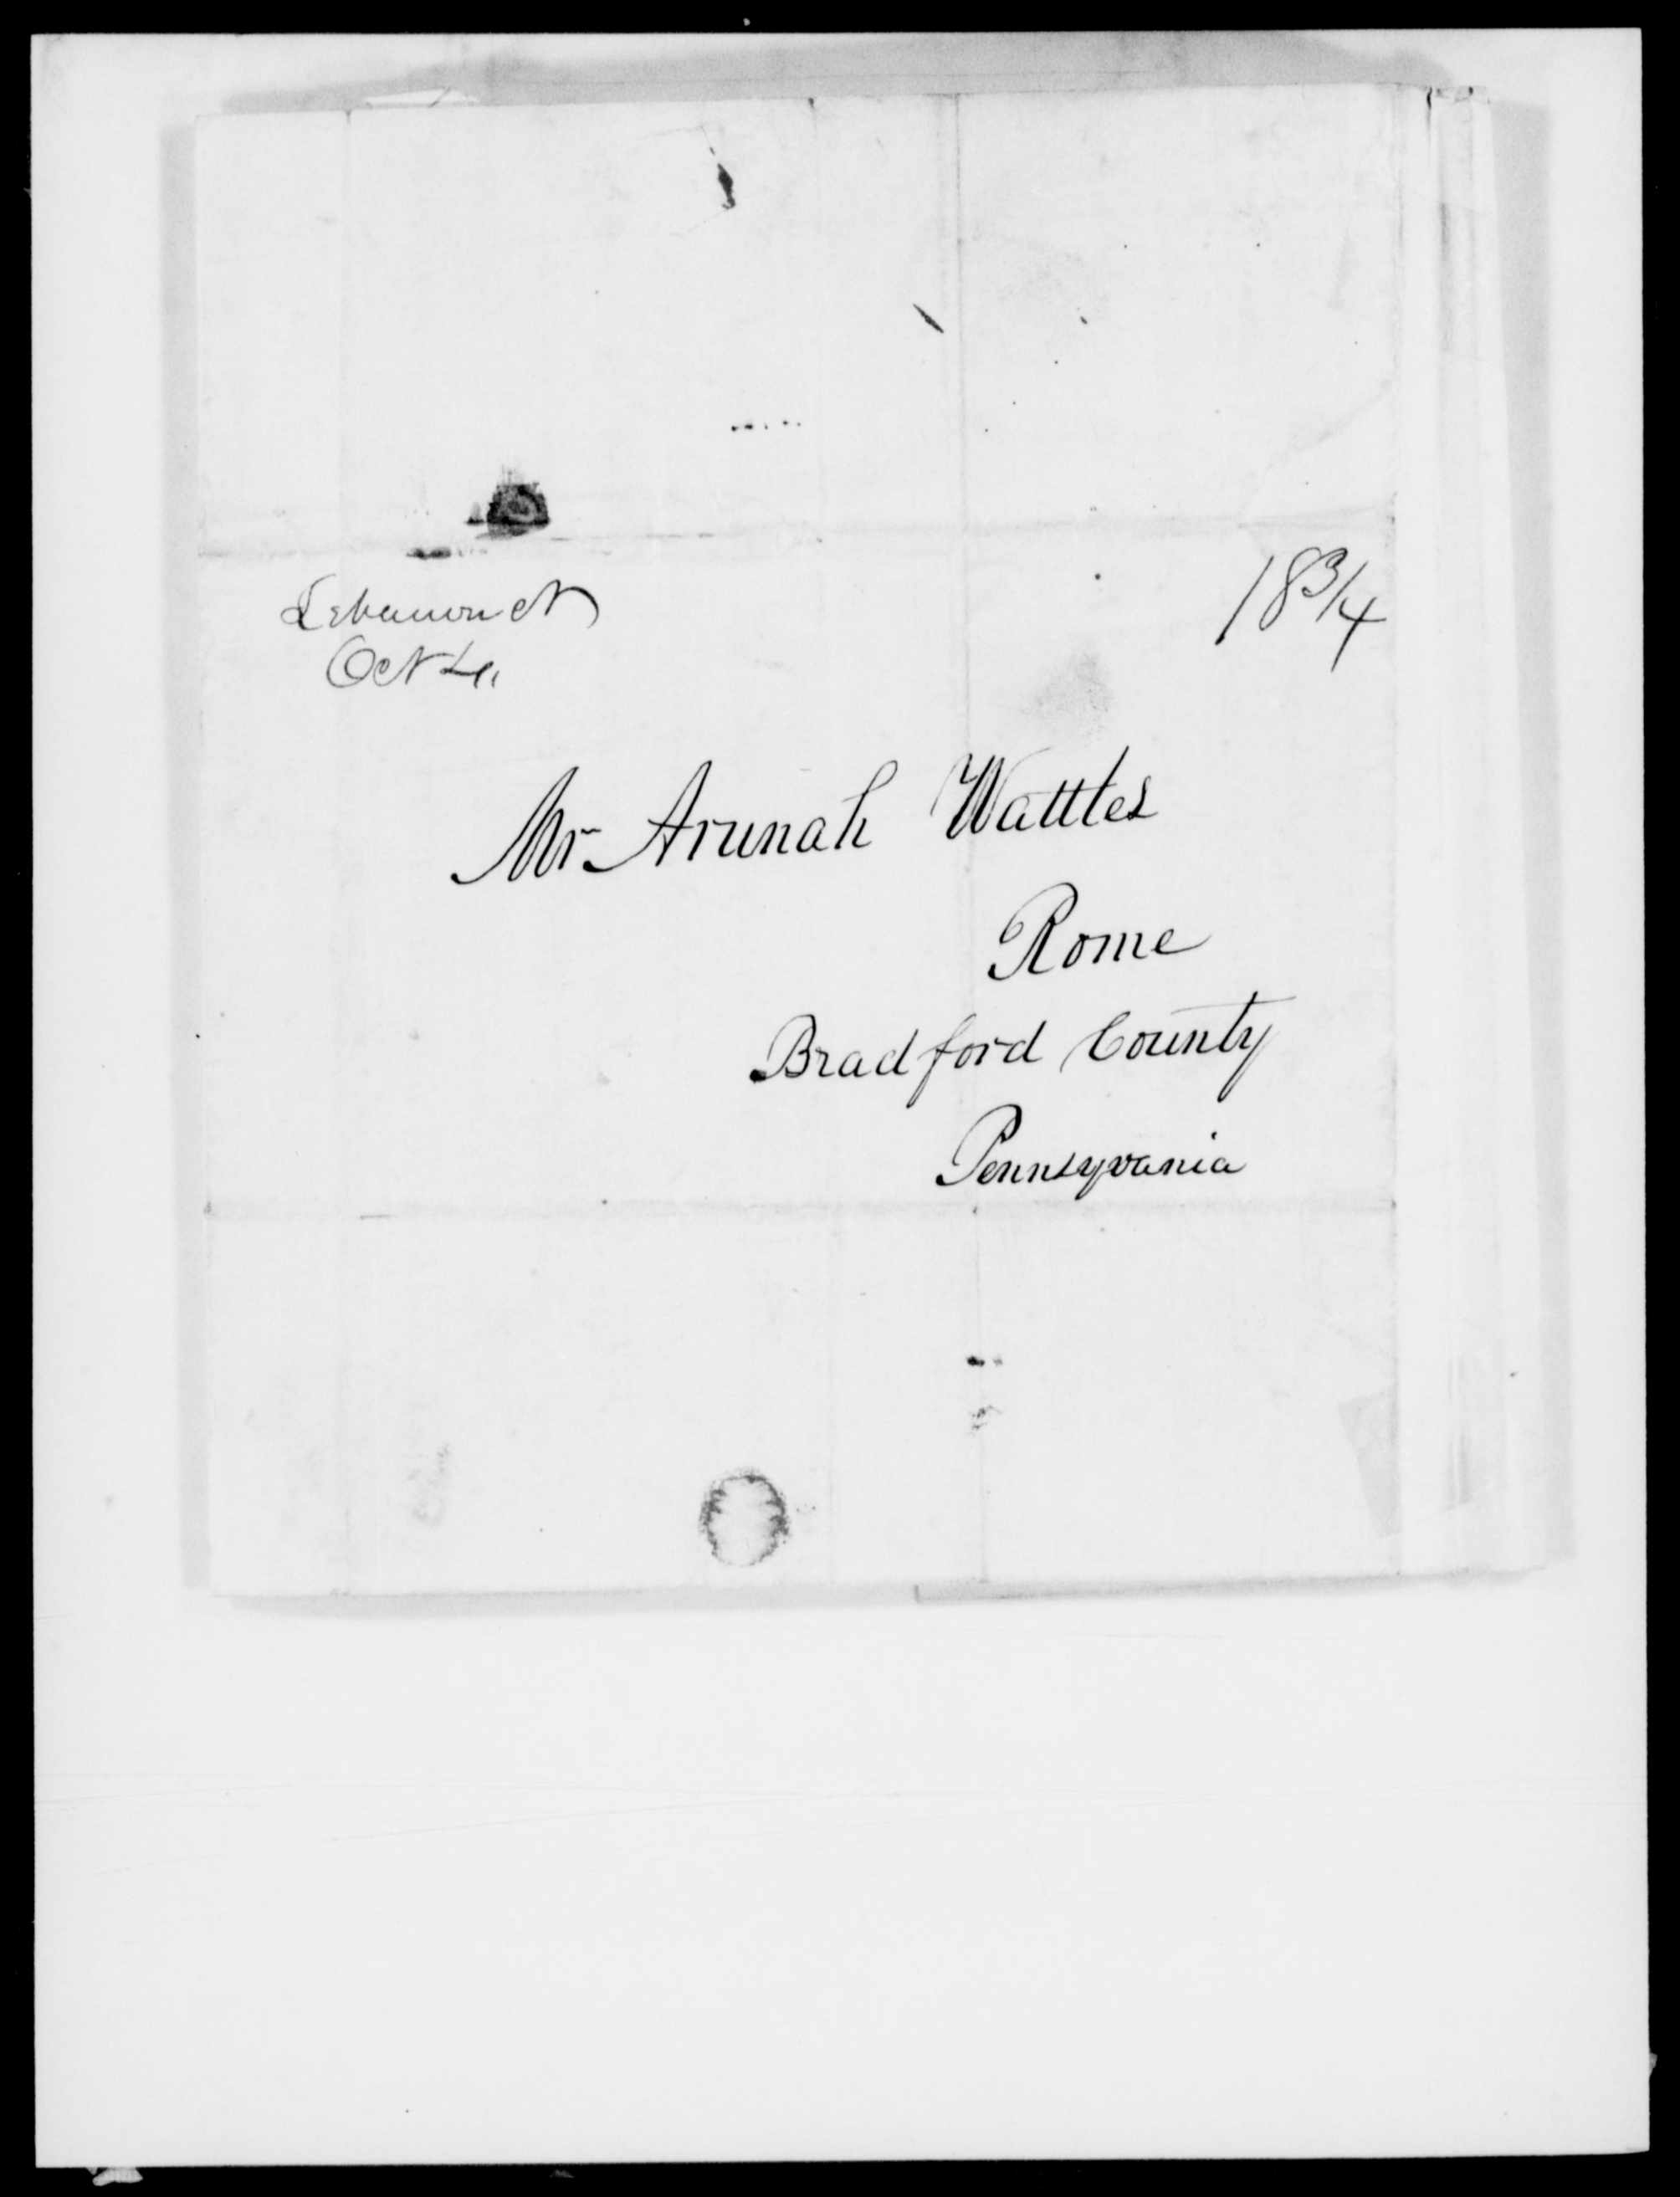Lebanon Ct
Oct 4, 183/4

Mr. Arunah Wattles
Rome
Bradford County
Pennsylvanian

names: Arunah Wattles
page: 52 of 70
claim: widow's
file: W. 3743, Dan Wattles, Conn.